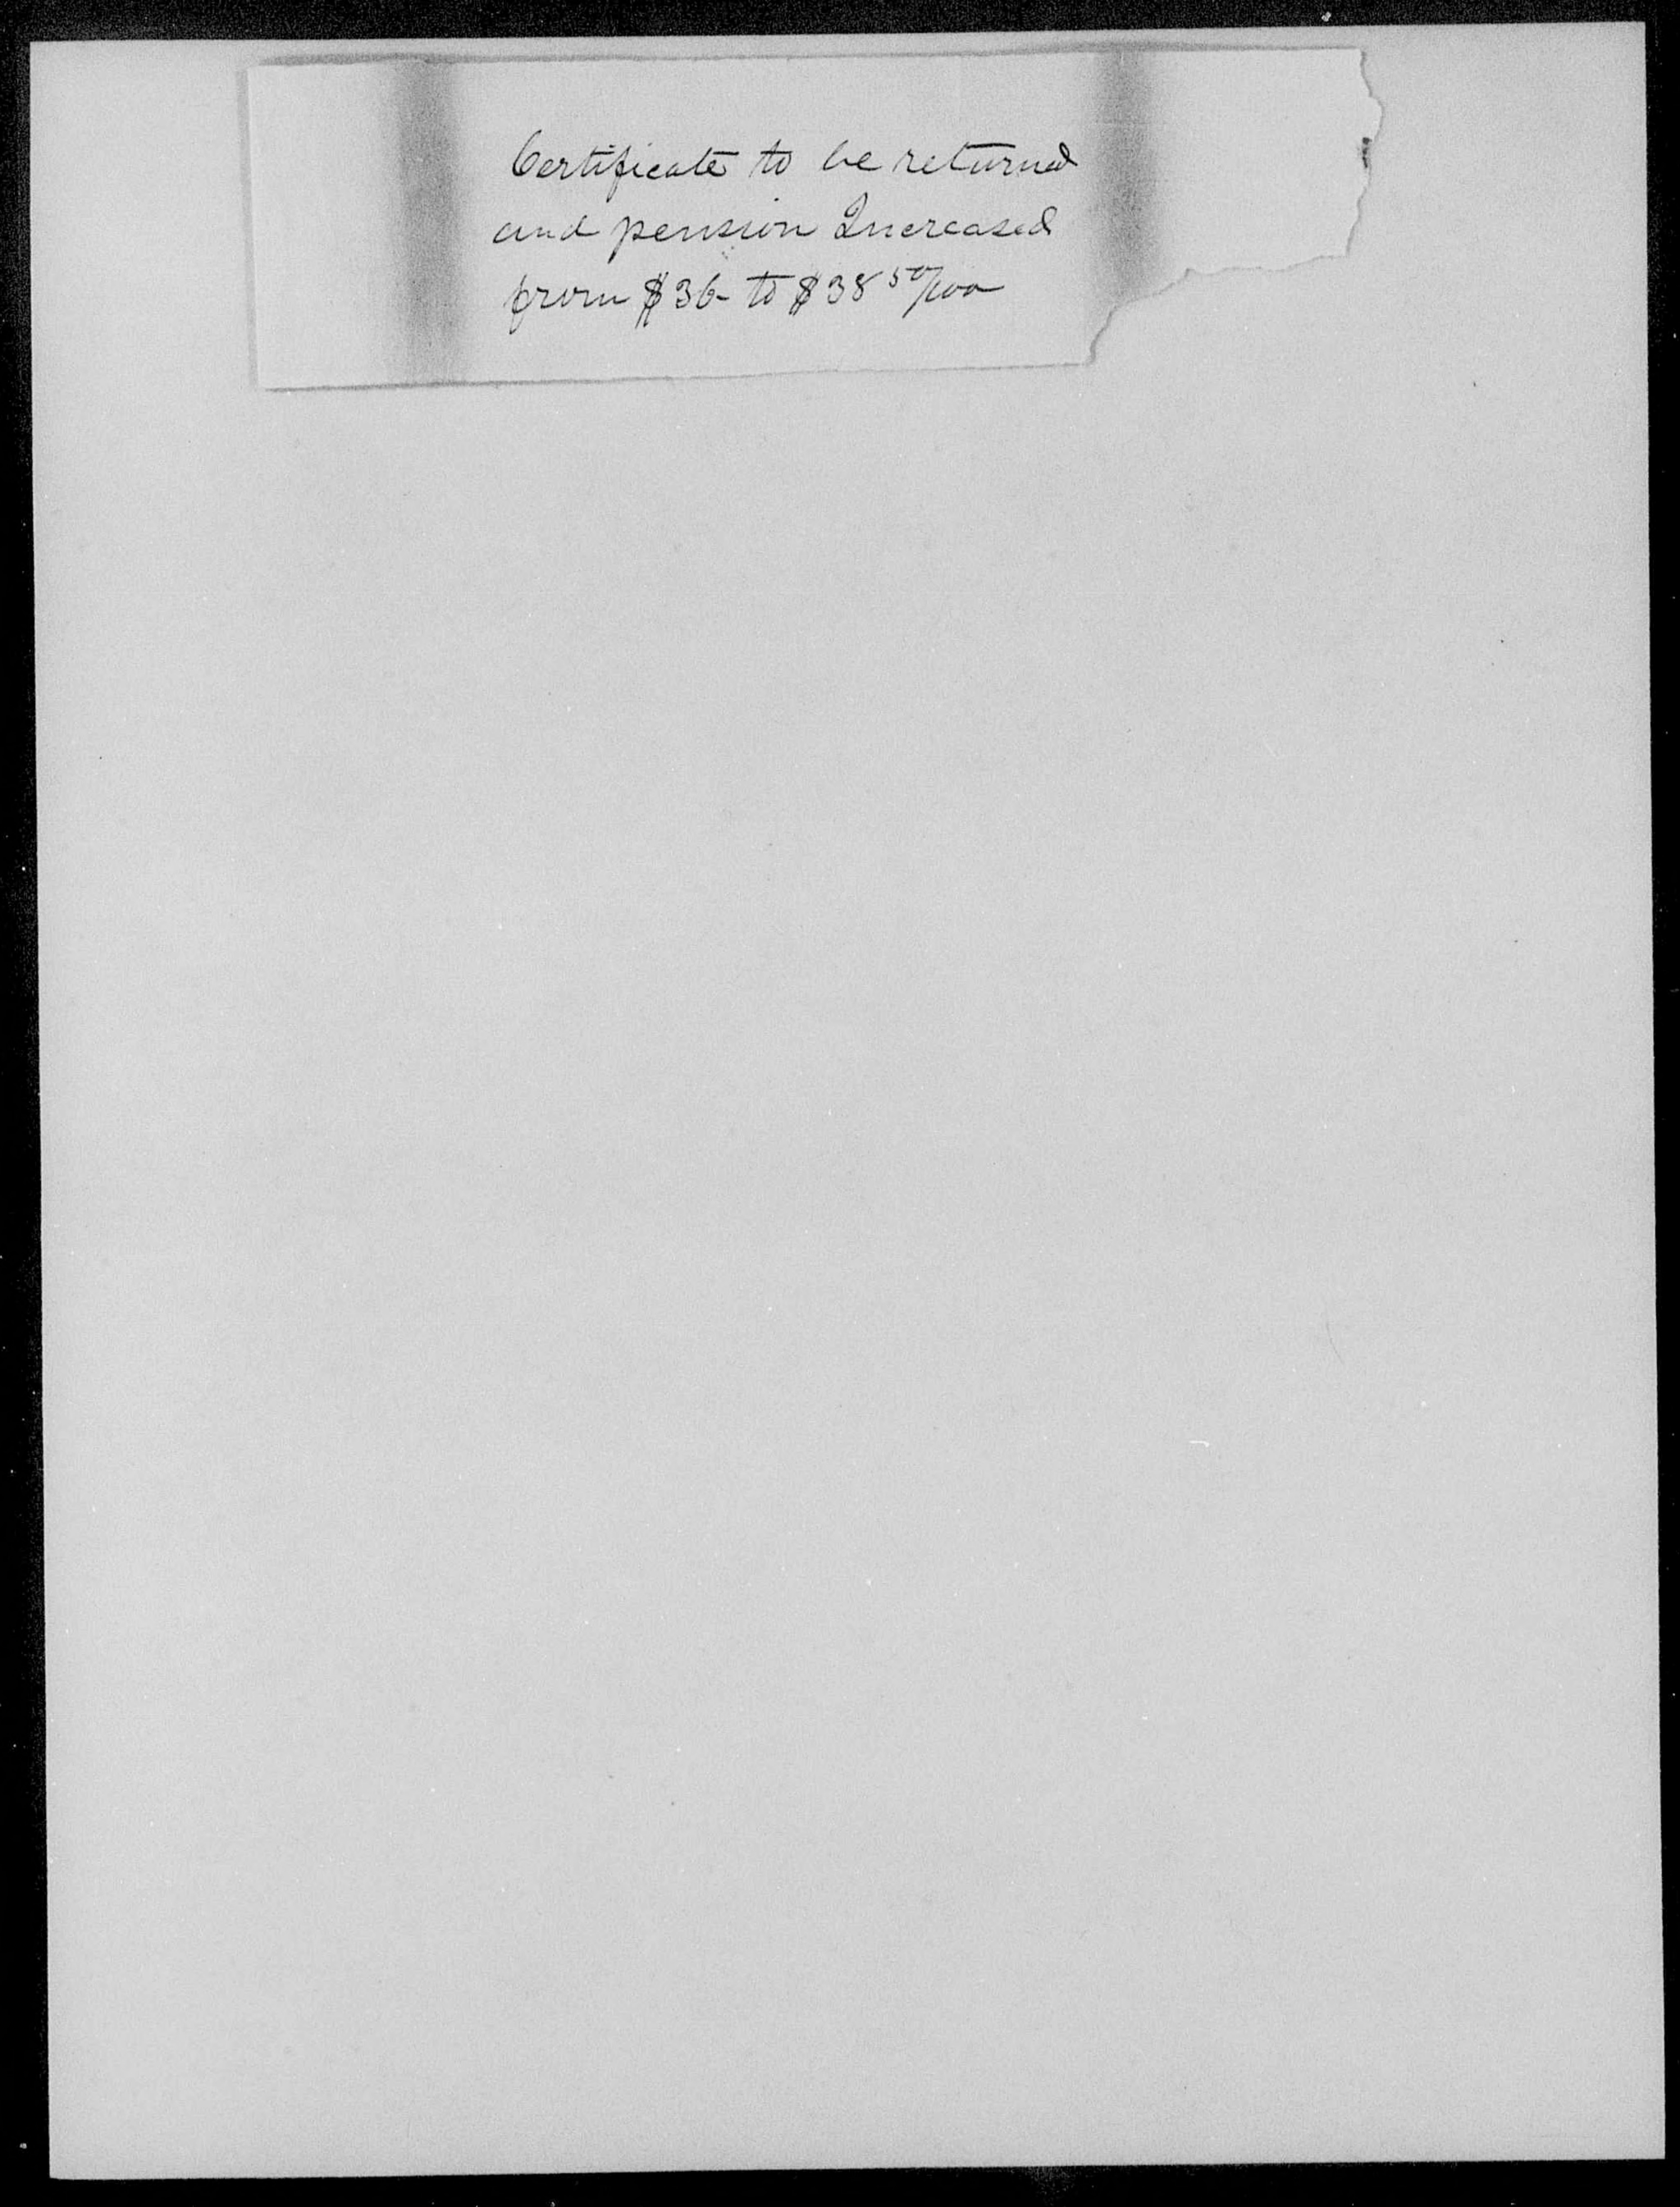Certificate to be returned and pension Increased from $36 to $38.50 per an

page: 33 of 73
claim: widow's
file: W. 2338, for Joseph P Peters, Connecticut